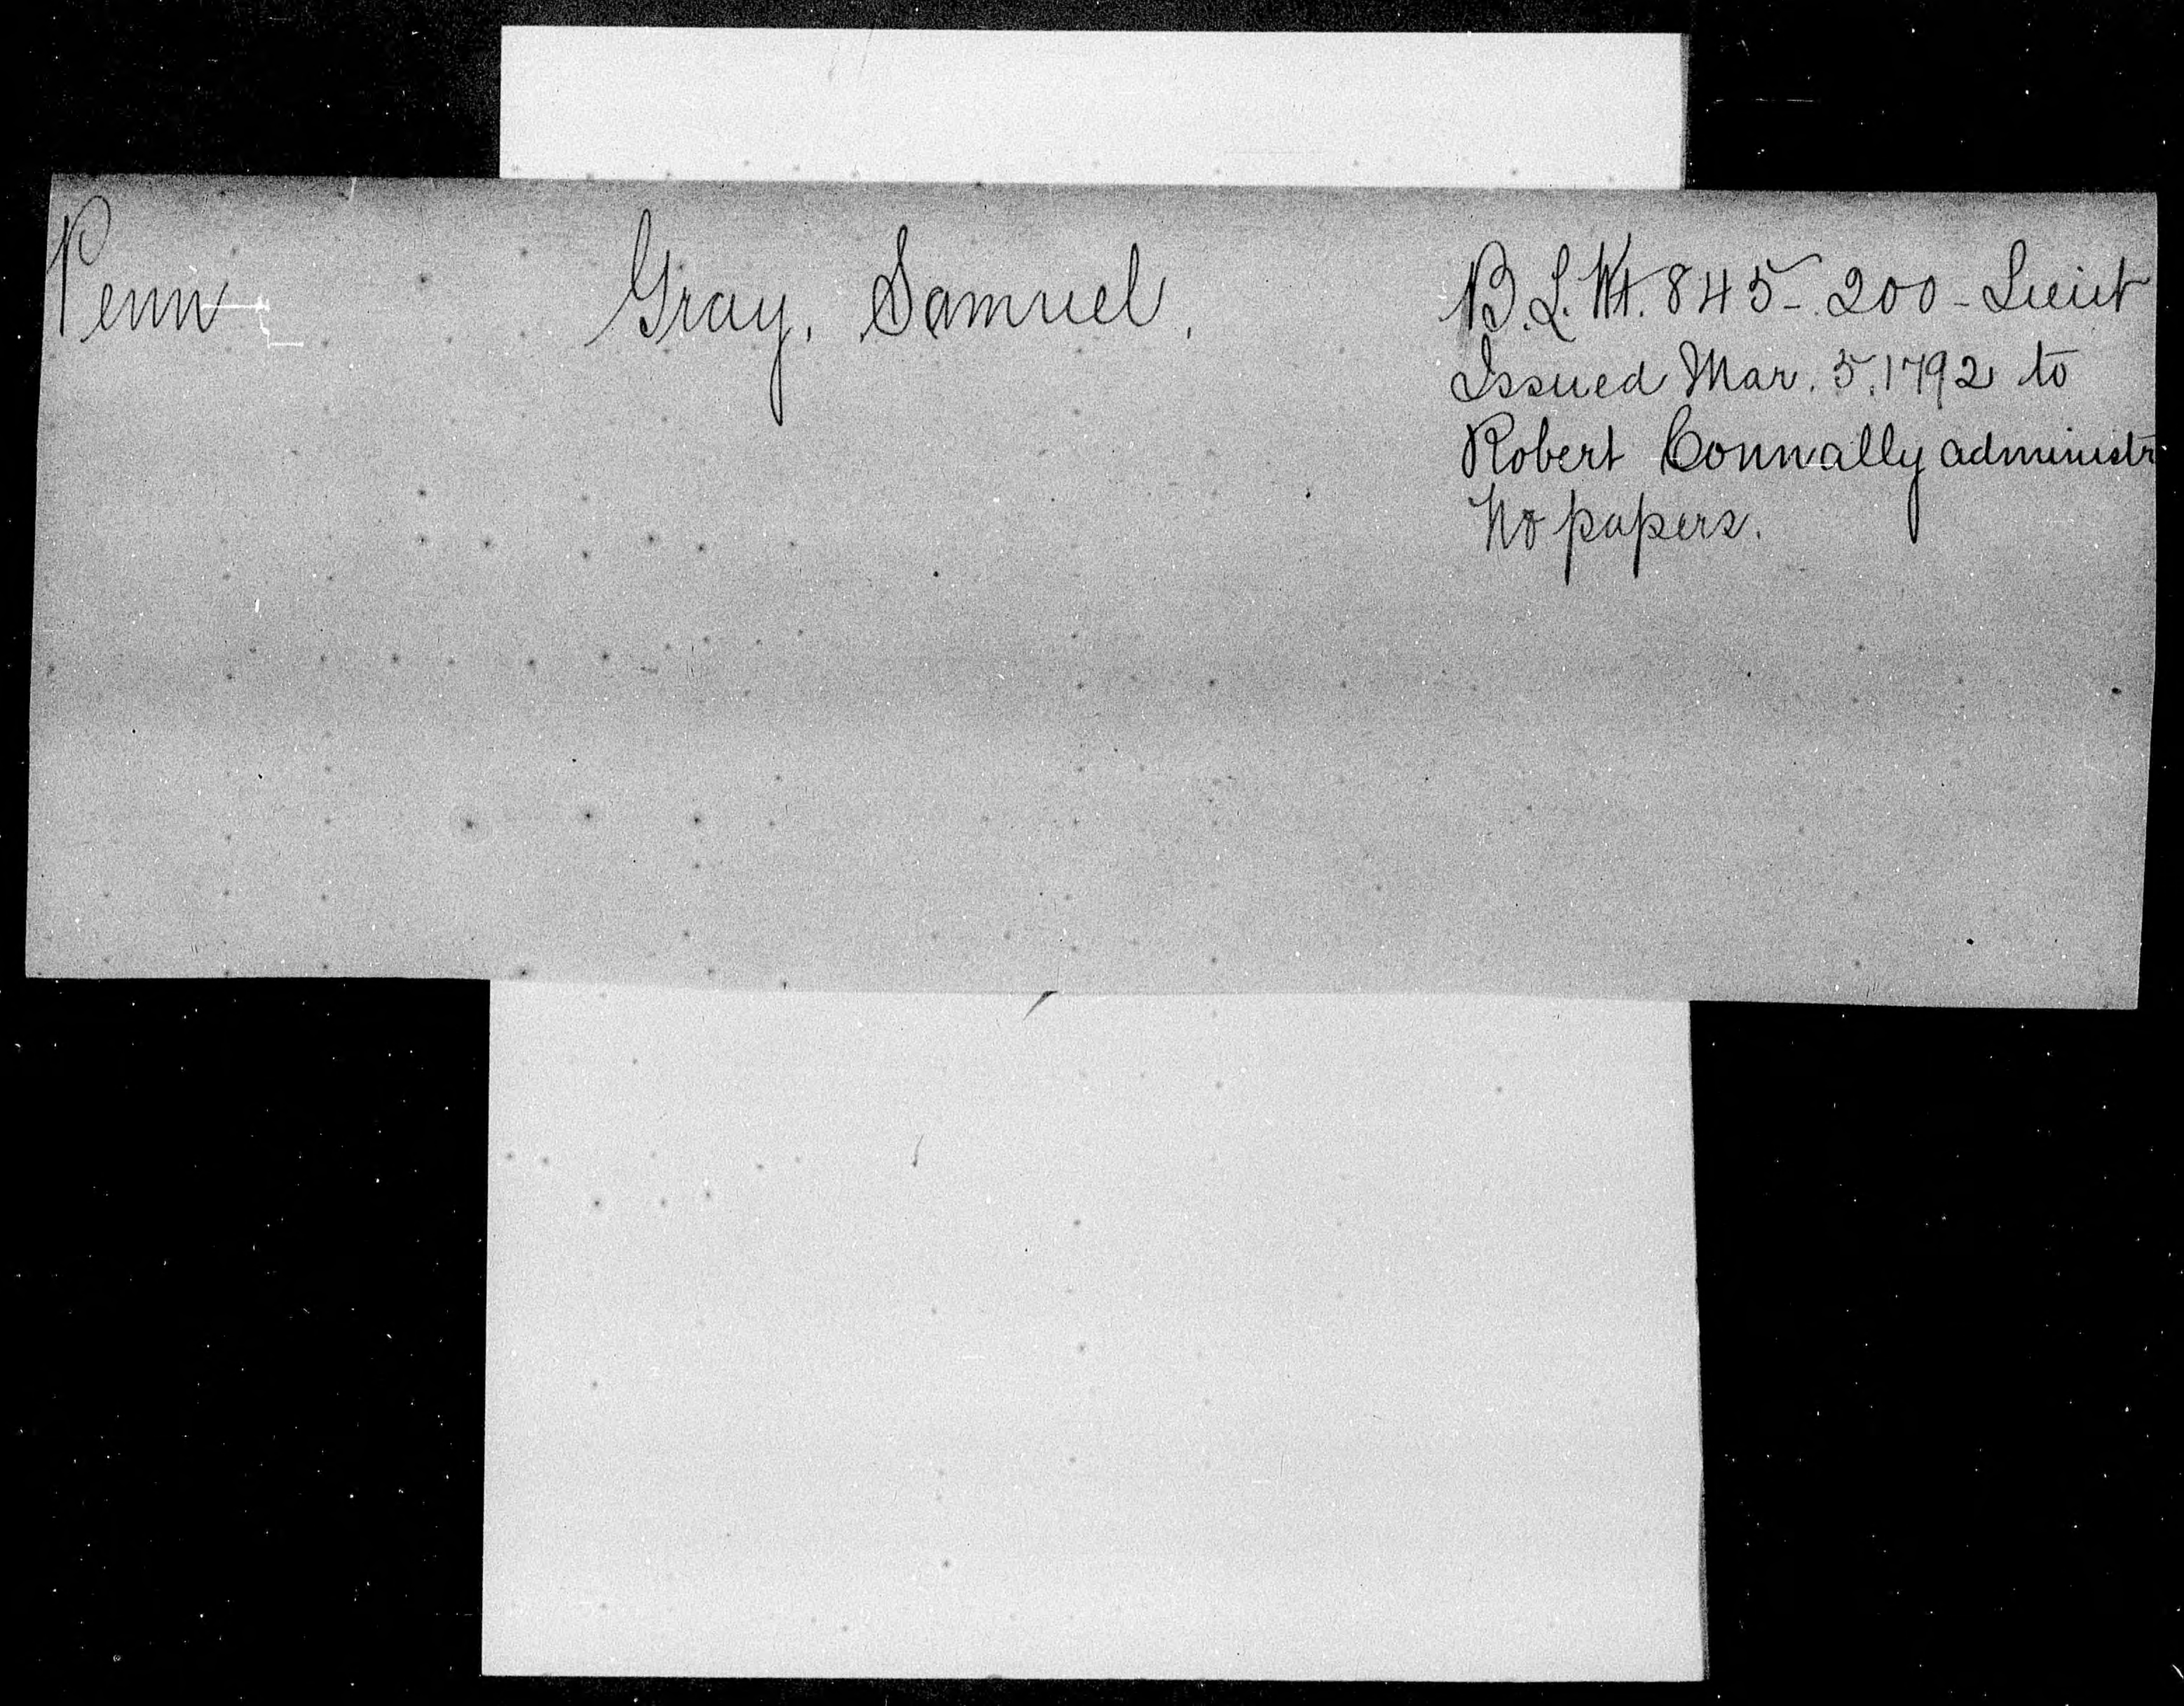Pennsylvania, Gray, Samuel
B.L.Wt. 845-200 Lieutenant
Issued March 5, 1792 to
Robert Connally, Administrator
No papers.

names: Robert Connally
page: 2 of 7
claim: bounty land warrant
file: B. L. Wt. 845-200, Samuel Gray, Penn